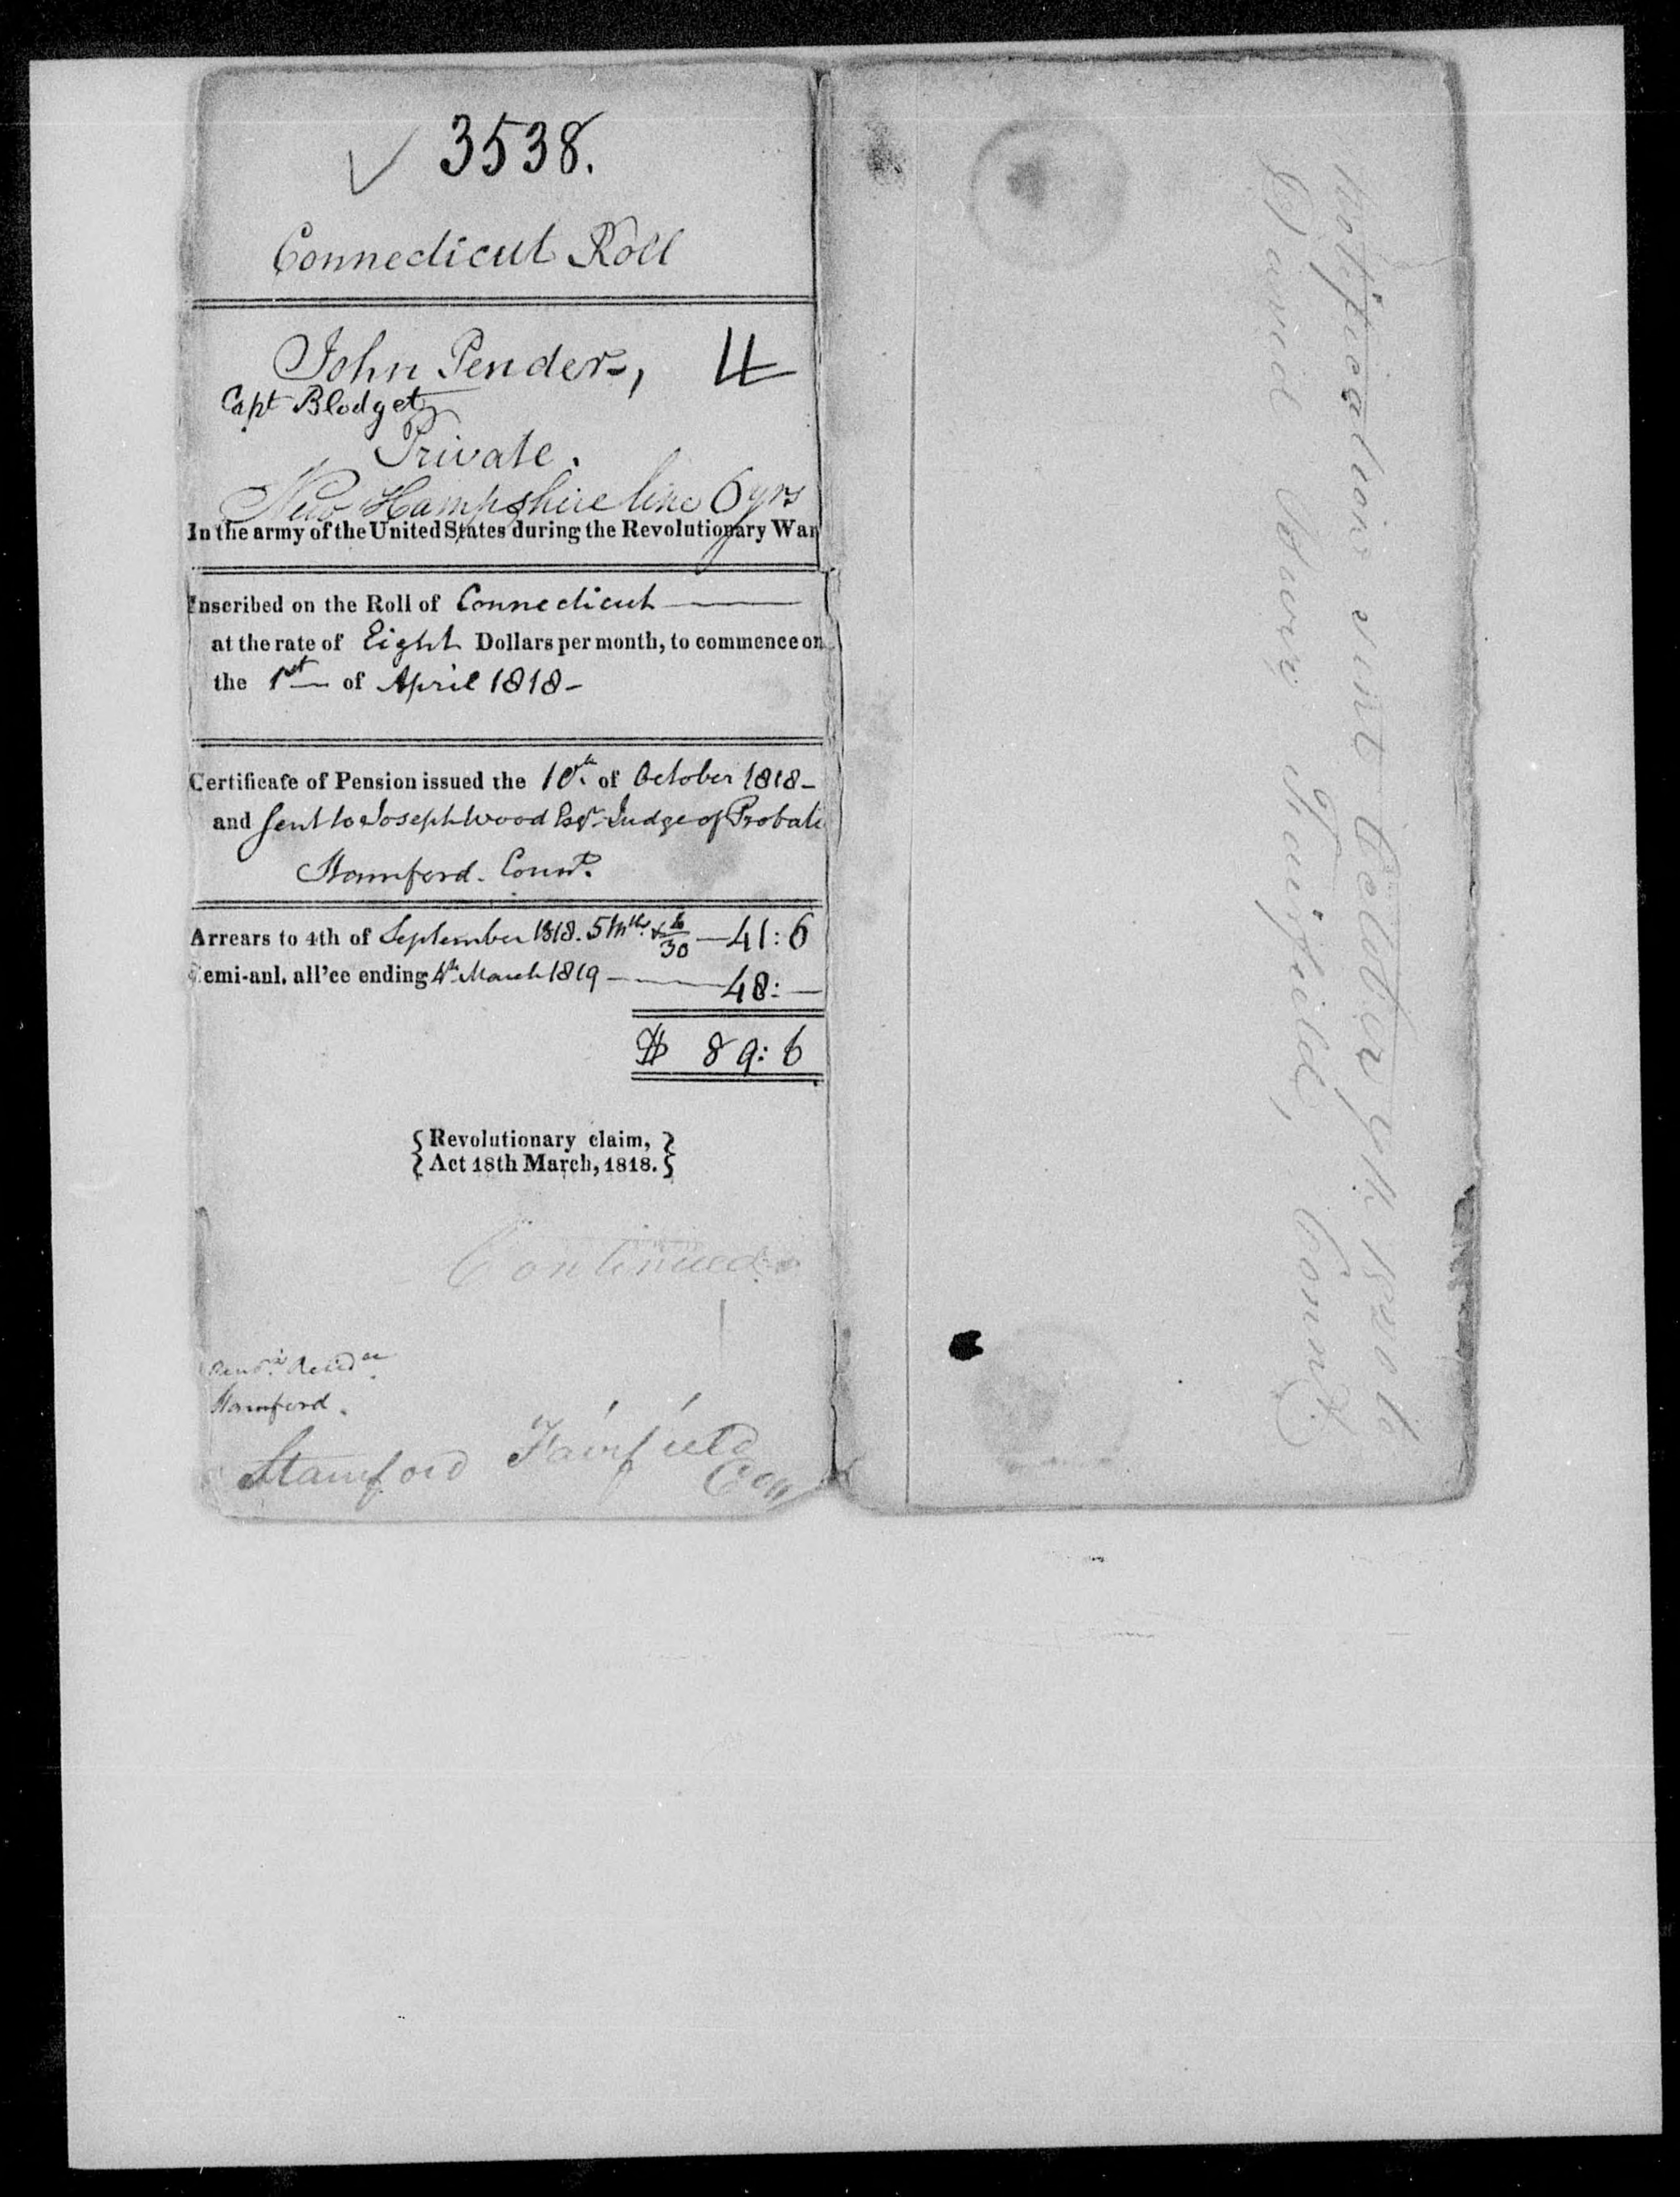3538
Connecticut Roll
John Pender,
Capt Blodget
Private
New Hampshire line 6 yrs
In the army of the United States during the Revolutionary War

Inscribed on the Roll of Connecticut at the rate of Eight Dollars per month, to commence on the 1st of April 1818.

Certificate of Pension issued the 10th of Oct 1818 and sent to Joseph Wood Esq Judge of Probate 
Stamford, Connt.

Arrears to the 4th of September 1818 - -  5 mth & 6/30 -- 41:6
Semi-anl. all'ce ending 4th March 1819  -  48:
[total] $89:6

{Revolutionary Claim, Act 18th March, 1818.}

Continued.

Pens. Recd. at Stamford
Stamford Fairfield Con

[along right edge:]
Notification sent October 4th 1820 to David Burr Fairfield Connt.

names: David Burr; [BLANK] Blodget; Stamford Fairfield; John Pender; Joseph Wood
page: 2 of 13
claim: survivor's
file: S. 36211, for John Pender, New Hampshire